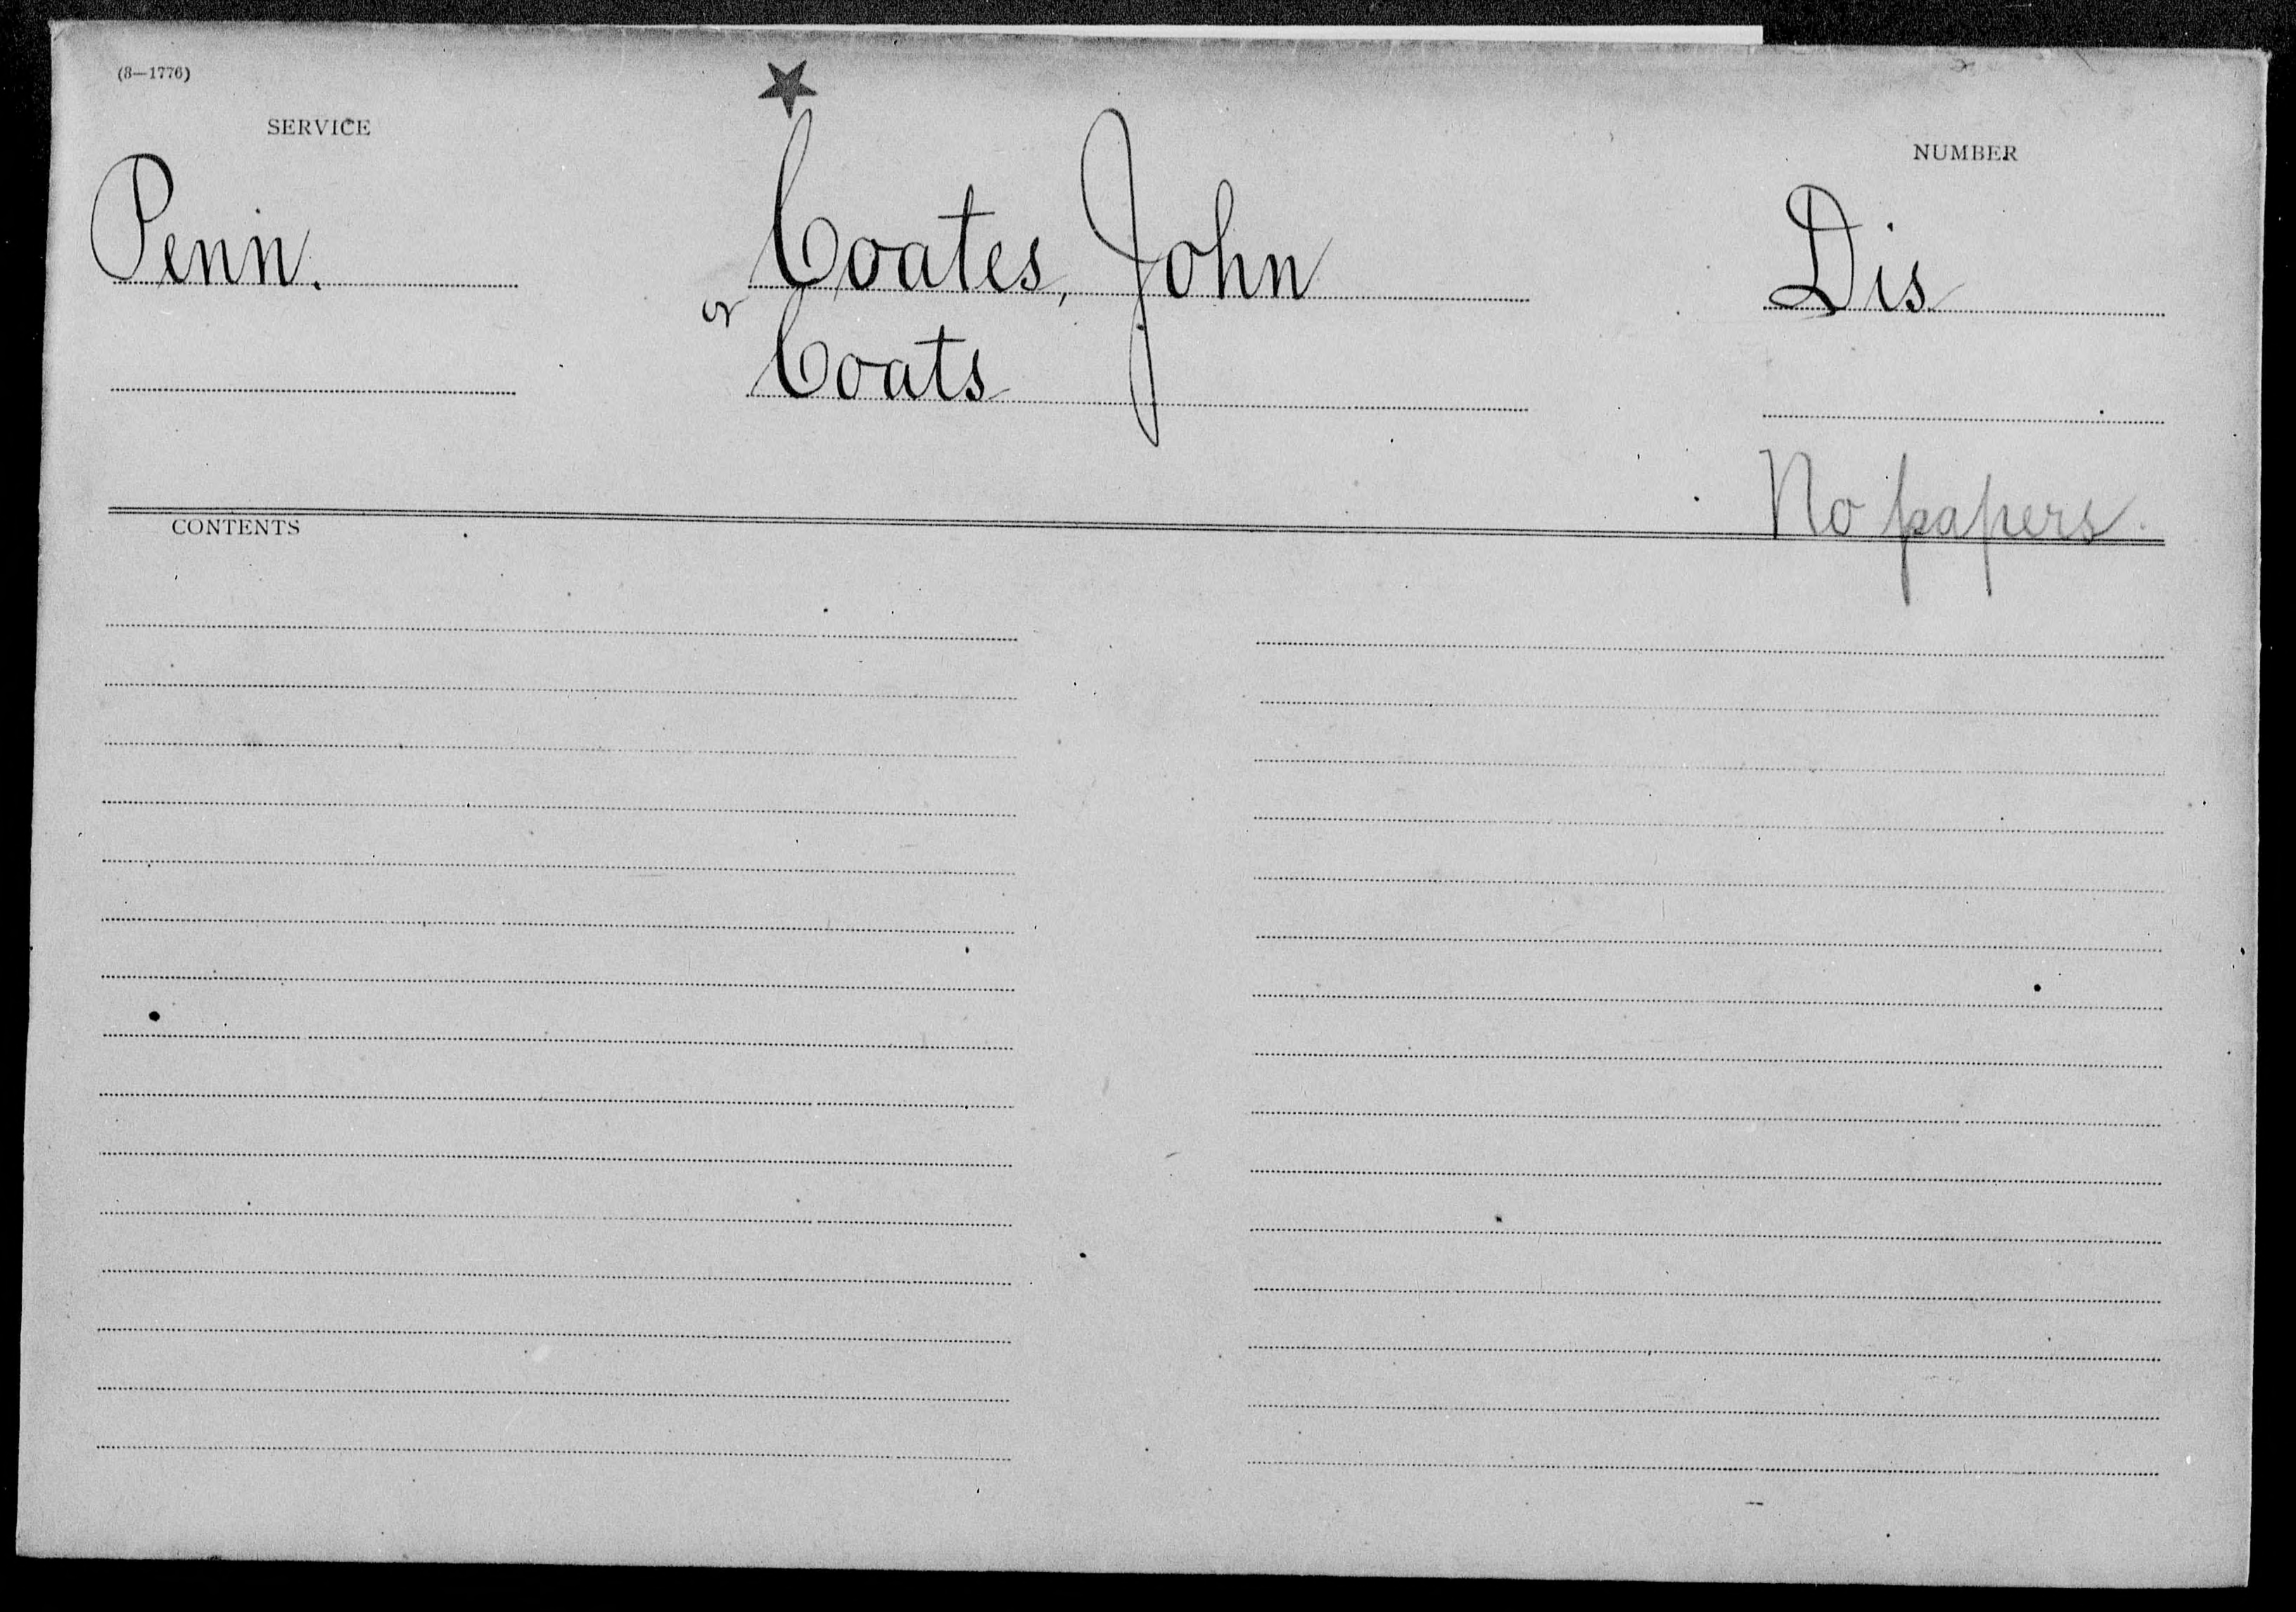(3-1776)
SERVICE NUMBER
Penn. Coates, John Dis
Coats
No papers
CONTENTS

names: John Coats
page: 1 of 5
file: [BLANK], John Coates, Penn.